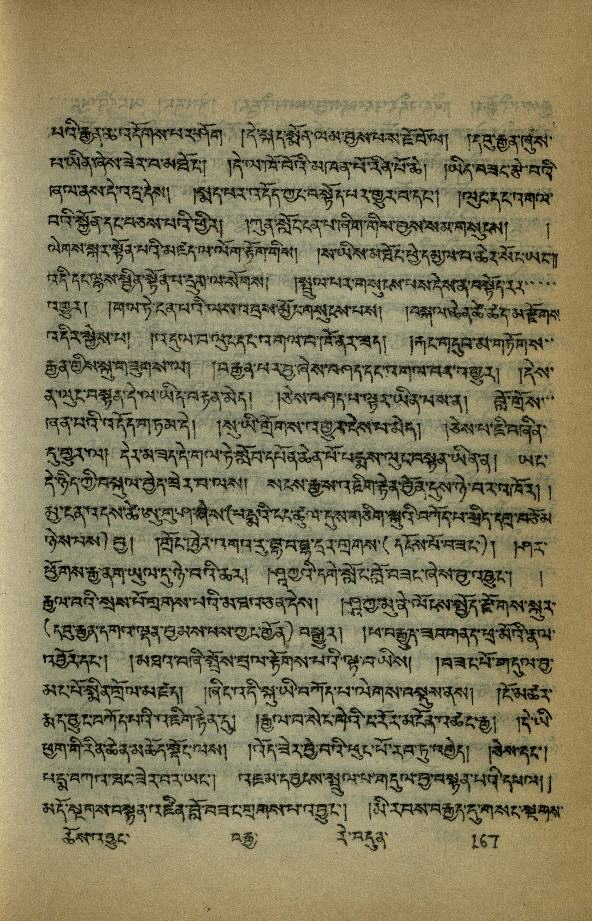པའི་རྒྱན་ཆ་འདོགས་པར་ཤོག །དེ་སྐད་སྨོན་ལམ་བྱས་པས་ཇོ་བོ་ལ། །དབུ་རྒྱན་ཞུས་
པ་ཡིན་ཞེས་ཟེར་བ་མཐོང་། །དེ་ལ་ཁོ་བོའི་མཁན་པོ་རིན་པོ་ཆེ། །ཡིད་བཟང་རྩེ་བའི་
ཞལ་ནས་དེ་འདྲ་དེས། །སྨད་པར་འདོད་ཀྱང་བསྟོད་པར་གྱུར་བ་དང་། །ལུང་དང་འགལ་
བའི་སྐྱོན་དང་བཅས་པའི་ཕྱིར། །ཀུན་སློང་ངན་པ་ཞིག་གིས་བྱས་སམ་གསུངས། །
ལེགས་སྐར་སྟོན་པའི་མཛད་ལ་ལོག་རྟོག་གིས། །ས་ཡིས་མཐོང་ཕྱེ་དམྱལ་བ་ཆེར་སོང་ཡང།།
འདི་དང་ལྷས་སྦྱིན་སྟོན་པ་དྲུག་ལ་སོགས། །སྤྲུལ་པར་གསུངས་པས་དེས་ན་བསྟོད་རར་
འགྱུར། །གལ་ཏེ་ངན་པའི་ལས་འབྲས་མྱོང་གསུངས་པས། །བསྐལ་ཆེན་ཚེ་ཚད་མ་རྫོགས་
འདིར་སྐྱེས་པ། །འདུལ་བ་ལུང་དང་འགལ་བ་ཁོ་ནར་ཟད། །རྐང་གདུབ་མ་གཏོགས་
རྒྱན་གྱིས་སྐུ་གཟུགས་ལ། །བརྒྱན་པར་བྱ་ཞེས་བཤད་དང་འགལ་བར་འགྱུར། །དེས་
ན་ལུང་བསྟན་དེ་ལ་ཡིད་བརྟན་མེད། །ཅེས་བཤད་པ་ལྟར་ཡིན་པས་ན། བློ་གྲོས་
ཞན་པའི་འདོད་གཏམ་དེ། །སུ་ཡི་གྲོགས་འགྱུར་ངེས་པ་མེད། །ཅེས་པ་ཇི་བཞིན་
དུ་གྱུར་ལ། དེར་མ་ཟད་དེ་གལ་ཏེ་སློབ་དཔོན་ཆེན་པོ་པདམས་ལུང་བསྟན་ཡིན་ན། ཡང་
དེ་ཉིད་ཀྱི་བསྐུལ་བྱེད་ཟེར་བ་ལས། སངས་རྒྱས་འཇིག་རྟེན་བྱོན་དུས་ཉེ་བར་འཁོར། །
མྱ་ངན་འདས་ཚེ་ཨུ་གུ་ཤ་ཞེས་པདམའི་ངང་ཚུལ་དུས་གཅིག་སྐུའི་བཀོད་པ་སྲིད་དགྲ་བཅོམ་
ཉེས་པས་བྱ། །གྲོང་ཁྱེར་འགའ་རུ་བྷ་བ་བྷ་དྲར་གྲགས་དངོས་པོ་བཟང། །ཤར་
ཕྱོགས་རྒྱ་ནག་ཡུལ་དུ་ཉེ་བའི་ཆར། །ཤཱཀྱའི་དགེ་སློང་བློ་བཟང་ཞེས་བྱ་འབྱུང་། །
རྒྱལ་བའི་སྲས་པོ་གྲགས་པའི་མཐའ་ཅན་དེས། །ཤཱཀྱ་མུ་ནེ་ལོངས་སྤྱོད་རྫོགས་སྐུར་
དབུ་རྒྱན་དགའ་ལྡན་བྱམས་པས་ཀྱང་གྱོན་བསྒྱུར། །ཕ་བརྒྱུད་ཟབ་གནད་ཕྲ་མོའི་རྣལ་
འབྱོར་དང་། །མཐའ་བཞི་སྤྲོས་བྲལ་རྟོགས་པའི་ལྟ་བ་ཡིས། །བཟང་པོ་གདུལ་བྱ་
མང་པོ་སྨིན་གྲོལ་མཛད། །ཞིང་འདི་སྐུ་ཡི་བཀོད་པ་ལེགས་བསྡུས་ནས། །ངོ་མཚར་
རྨད་བྱུང་བཀོད་པའི་འཇིག་རྟེན་དུ། །རྒྱལ་བ་སེང་གེའི་ང་རོར་མངོན་འཚང་རྒྱ། །དེ་ཡི་
ཕྱག་གི་རིན་ཆེན་མཆོད་སྡོང་ལས། །འོད་ཟེར་བྱེ་བའི་ཕུང་པོ་རབ་ཏུ་འགྱེད། །ཅེས་དང་།
པདམ་བཀའ་ཐང་ཟེར་བར་ཡང་། འཇམ་དབྱངས་སྤྲུལ་པ་གདུལ་བྱ་བསྟན་པའི་དཔལ། །
མདོ་སྔགས་བསྟན་འཛིན་བློ་བཟང་གྲགས་པ་འབྱུང་། །མི་རབས་བརྒྱད་དུ་གསང་སྔགས་